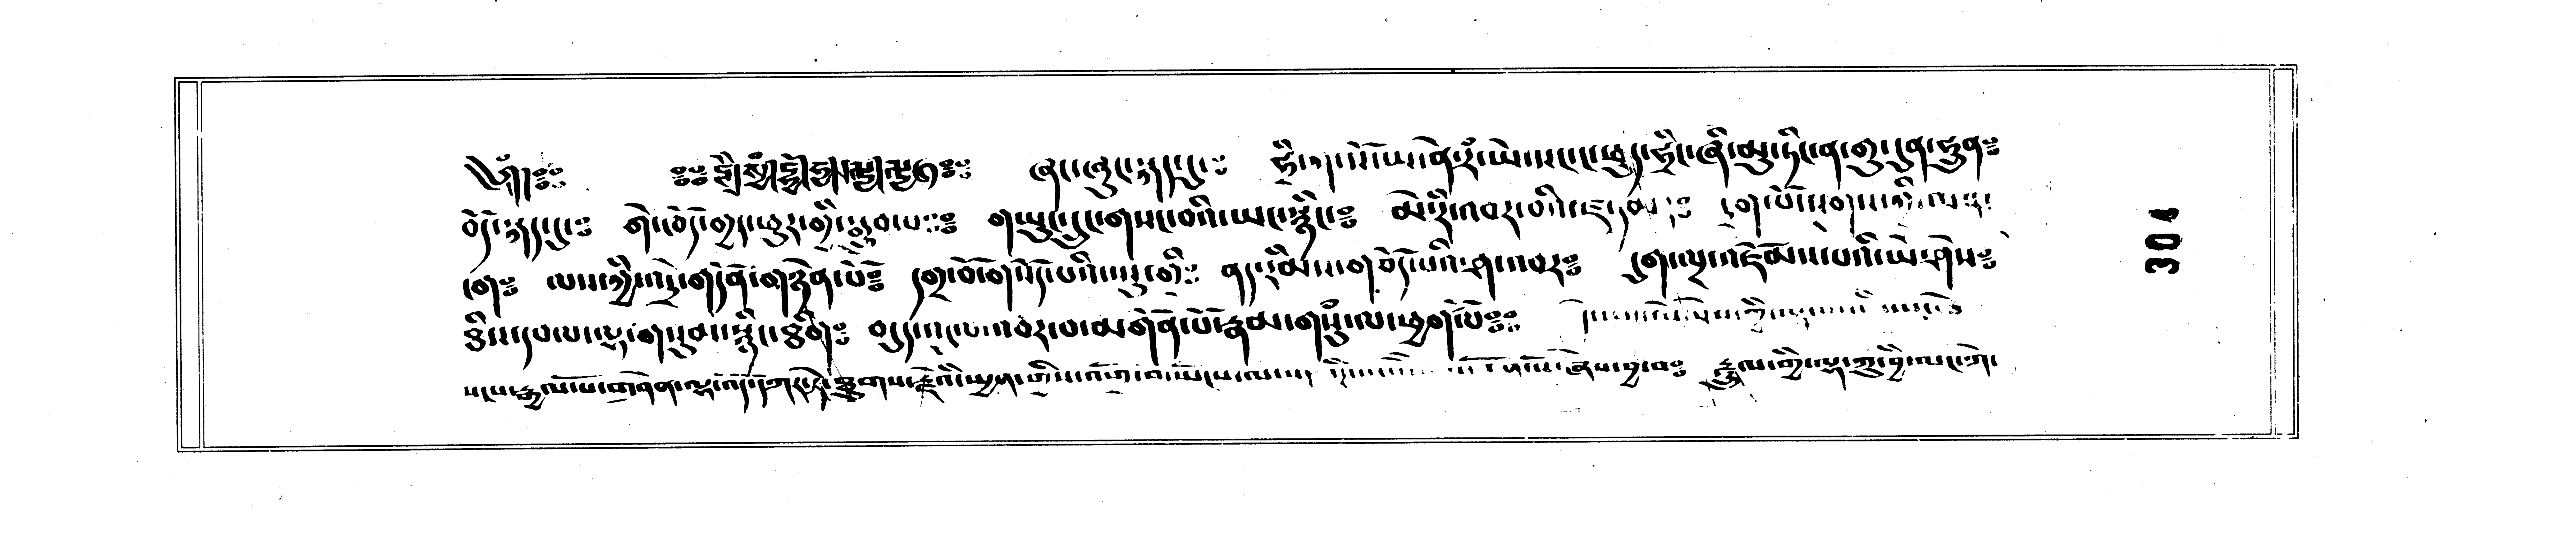༅།།༔༔ ༼གཏེར་ཡིག་ཡོད༽ཞང་ཞུང་སྐད་དུཿ ཧྲི་ཀ་སོ་ཡ་ནེ་རམ་ཡེ་སང་ང་ཕུད་ཧྲིང་ཞི་མུ་ཏིང་ན་གུ་དུན་ཧྲུནཿ 
བོད་སྐད་དུཿ གེ་ཁོད་གྱད་ཕུར་གྱི་སྒྲུབ་པ༔ གཡུང་དྲུང་གསང་བའི་ཡང་སྙིང་༔ མེ་རི་འབར་བའི་ཛ་དམ༔ དྲག་པོ་སྔགས་ཀྱི་མན་
ངག༔ ལས་ཀྱི་འདྲེ་གདོན་གཉེན་པོ༔ དགྲ་བོ་གསོད་པའི་ཡུ་གྲིཿ ནད་རིམས་གཅོད་བའི་ཤ་འབར༔ དུག་ལྔ་འཇོམས་པའི་ཡེ་ཤེས༔ 
ཐིས་དཔལ་ལྷ་གསུམ་སྙིང་ཐིག༔ བདུད་འདུལ་འབར་བ་མགོན་པོ་རྣམ་གསུམ་ལ་ཕྱག་འཚལ་ལོཿ དེ་ལ་ཡེ་ཤེས་ཀྱི་ལྷ་༼༽ཡེ་
སངས་རྒྱལ་པོ་གཤེན་ལྷ་འོད་དཀར་ཏེ་ཐུགས་རྗེའི་སྤྱན་གྱིས་འགྲོ་བ་ཡོངས་ལ་གཟིགས་པའི་མགོན་པོ་ཞེས་བྱ་བཿ རྫུ་འཕྲུལ་གྱི་ལྷ་ཀུ་བྱི་མང་ཀེ་